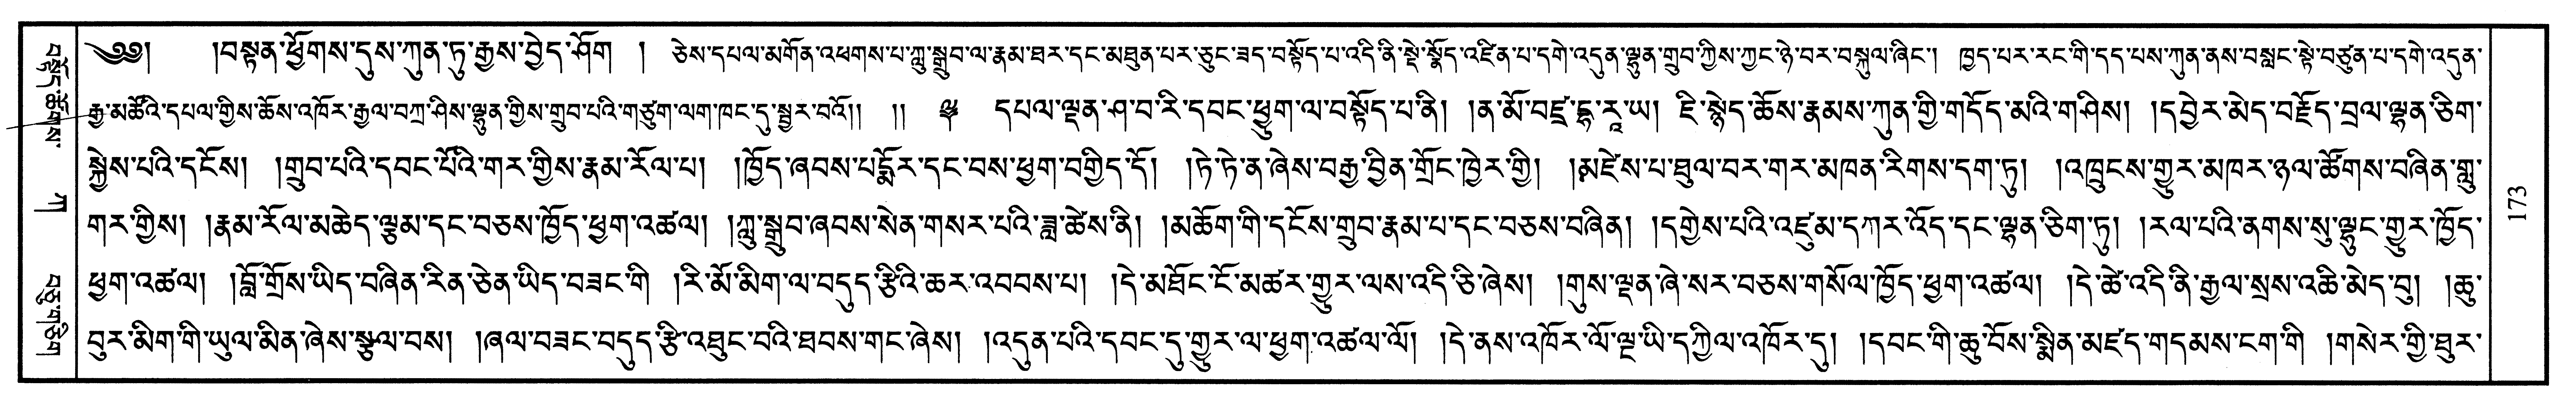༄༅། །བསྟན་ཕྱོགས་དུས་ཀུན་ཏུ་རྒྱས་བྱེད་ཤོག །ཅེས་དཔལ་མགོན་འཕགས་པ་ཀླུ་སྒྲུབ་ལ་རྣམ་ཐར་དང་མཐུན་པར་ཅུང་ཟད་བསྟོད་པ་འདི་ནི་སྡེ་སྣོད་འཛིན་པ་དགེ་འདུན་ལྷུན་གྲུབ་ཀྱིས་ཀྱང་ཉེ་བར་བསྐུལ་ཞིང་། ཁྱད་པར་རང་གི་དད་པས་ཀུན་ནས་བསླང་སྟེ་བཙུན་པ་དགེ་འདུན་
རྒྱ་མཚོའི་དཔལ་གྱིས་ཆོས་འཁོར་རྒྱལ་བཀྲ་ཤིས་ལྷུན་གྱིས་གྲུབ་པའི་གཙུག་ལག་ཁང་དུ་སྦྱར་བའོ།། །།༈ དཔལ་ལྡན་ཤ་བ་རི་དབང་ཕྱུག་ལ་བསྟོད་པ་ནི། །ན་མོ་བཛྲ་དྷ་རཱ་ཡ། ཇི་སྙེད་ཆོས་རྣམས་ཀུན་གྱི་གདོད་མའི་གཤིས། །དབྱེར་མེད་བརྗོད་བྲལ་ལྷན་ཅིག་
སྐྱེས་པའི་དངོས། །གྲུབ་པའི་དབང་པོའི་གར་གྱིས་རྣམ་རོལ་པ། །ཁྱོད་ཞབས་པདམོར་དང་བས་ཕྱག་བགྱིད་དོ། །ཏེ་ཏེ་ན་ཞེས་བརྒྱ་བྱིན་གྲོང་ཁྱེར་གྱི། །མཛེས་པ་ཐུལ་བར་གར་མཁན་རིགས་དག་ཏུ། །འཁྲུངས་གྱུར་མཁར་ཉལ་ཚོགས་བཞིན་གླུ་
གར་གྱིས། །རྣམ་རོལ་མཆེད་ལྕམ་དང་བཅས་ཁྱོད་ཕྱག་འཚལ། །ཀླུ་སྒྲུབ་ཞབས་སེན་གསར་པའི་ཟླ་ཚེས་ནི། །མཆོག་གི་དངོས་གྲུབ་རྣམ་པ་དང་བཅས་བཞིན། །དགྱེས་པའི་འཛུམ་དཀར་འོད་དང་ལྷན་ཅིག་ཏུ། །རལ་པའི་ནགས་སུ་ལྷུང་གྱུར་ཁྱོད་
ཕྱག་འཚལ། །བློ་གྲོས་ཡིད་བཞིན་རིན་ཅེན་ཡིད་བཟང་གི །རི་མོ་མིག་ལ་བདུད་རྩིའི་ཆར་འབབས་པ། །དེ་མཐོང་ངོ་མཚར་གྱུར་ལས་འདི་ཅི་ཞེས། །གུས་ལྡན་ཞེ་སར་བཅས་གསོལ་ཁྱོད་ཕྱག་འཚལ། །དེ་ཚེ་འདི་ནི་རྒྱལ་སྲས་འཆི་མེད་བུ། །ཆུ་
བུར་མིག་གི་ཡུལ་མིན་ཞེས་སྩལ་བས། །ཞལ་བཟང་བདུད་རྩི་འཐུང་བའི་ཐབས་གང་ཞེས། །འདུན་པའི་དབང་དུ་གྱུར་ལ་ཕྱག་འཚལ་ལོ། །དེ་ནས་འཁོར་ལོ་ལྔ་ཡི་དཀྱིལ་འཁོར་དུ། །དབང་གི་ཆུ་བོས་སྨིན་མཛད་གདམས་ངག་གི །གསེར་གྱི་ཐུར་